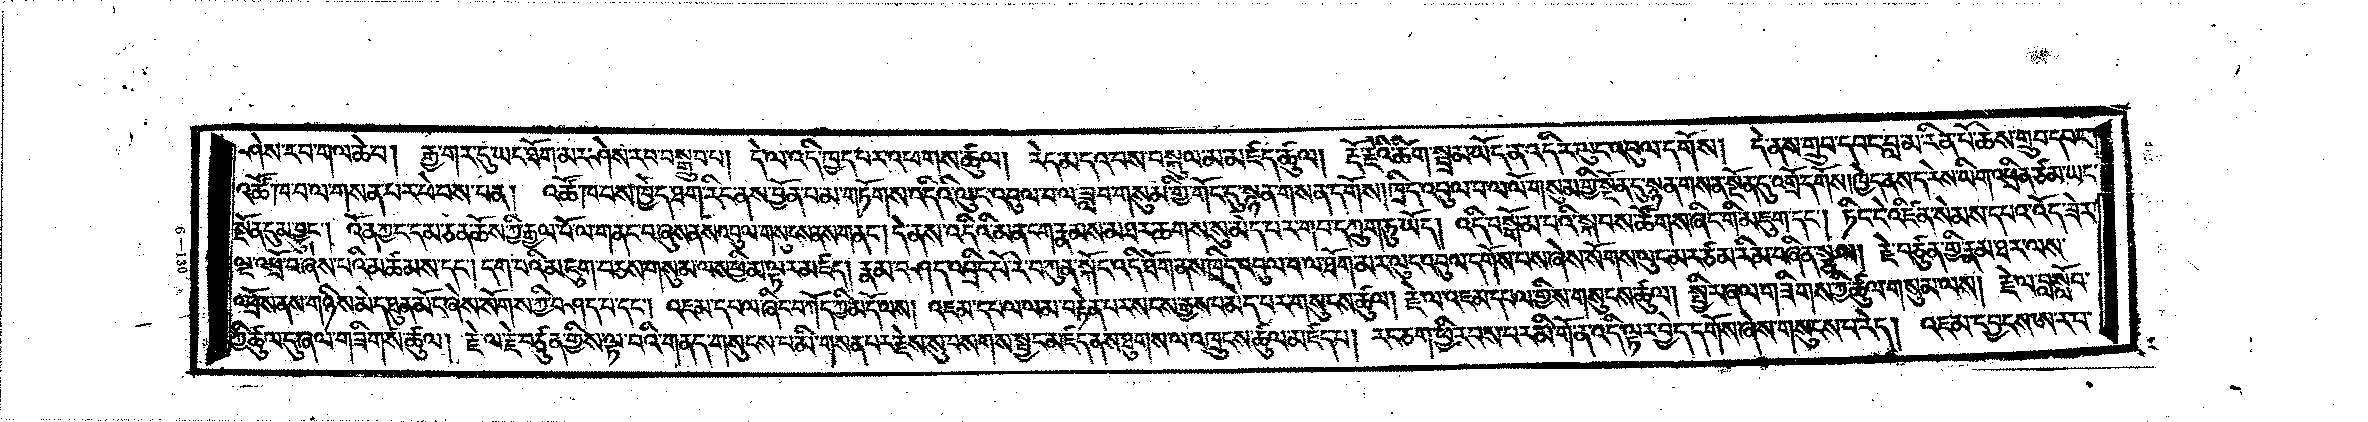ཤེས་རབ་གལ་ཆེ་བ། རྒྱ་གར་དུ་ཡང་ཐོག་མར་ཤེས་རབ་བསྒྲུབ་པ། དེ་ལ་འདི་ཁྱད་པར་འཕགས་ཚུལ། རེད་མདའ་བས་བསྐུལ་མ་མཛད་ཚུལ། རྡོ་རྗེའི་ཚིག་སྦྲམ་ཡོད་ན་འདིར་ལུང་འབུལ་དགོས། དེ་ནས་གྲུབ་དབང་བླ་མ་རིན་པོ་ཆེས་གྲུབ་དབང་
འཚོ་ཁ་བ་ལ་གསན་པར་ཕེབས་པ་ན། འཚོ་ཁབས་ཁྱེད་ཐག་རིང་ནས་བྱོན་པ་མ་གཏོགས་འདིའི་ལུང་འབུལ་བ་ལ་ཟླ་བ་གསུམ་གྱི་གོང་དུ་སྙན་གསན་དགོས་།ཁྲིད་འབུལ་བ་ལ་ལོ་གསུམ་གྱི་སྔོན་དུ་སྙན་གསན་སྔོན་དུ་འགྲོ་དགོས་།ཁྱེད་ནས་ད་རེས་ཡིག་འཕྲིན་ཙམ་ཡང་
སྔོན་དུ་མ་བྱུང་། འོན་ཀྱང་དམ་ཅན་ཆོས་ཀྱི་རྒྱལ་པོ་ལ་གནང་བ་ཞུས་ནས་འབུལ་གསུངས་ནས་གནང་།དེ་ནས་འདིའི་མན་ངག་རྣམས་མཐར་ཆགས་སུ་མེད་པར་གབ་དཀྲུག་ཏུ་ཡོད། འདི་བསྒོམ་པའི་སྐབས་ཚོགས་ཞིང་གི་མཇུག་དང་། ཏིང་ངེ་འཛིན་སེམས་དཔའ་འོད་ཟེར་
ལྔ་འཕྲོ་བ་ཞེས་པའི་མཚམས་དང་། དག་པའི་མཇུག་བཅས་གསུམ་ལས་ཕྱི་མ་ལྟར་མཛད། རྣམ་བཤད་འབྲིང་པོ་རེ་བ་ཀུན་སྐོང་འདི་ཐོག་ནས་ཁྲིད་འབུལ་བ་ལ་ཐོག་མར་ལུང་འབུལ་དགོས་པས་ཞེས་སོགས་ལུང་མར་ཙམ་རིམ་བཞིན་སྩལ། རྗེ་བཙུན་གྱི་རྣམ་ཐར་ལས་
འཕྲོས་ནས་གཉིས་མེད་ཐུན་མོང་ཞེས་སོགས་ཀྱི་བཤད་པ་དང་། འཇམ་དཔལ་ཞིང་བཀོད་ཀྱི་མདོ་ལས། འཇམ་དཔལ་ལམ་བརྟེན་པར་སངས་རྒྱས་པ་མེད་པར་གསུངས་ཚུལ། རྗེ་ལ་འཇམ་དཔལ་གྱིས་གསུངས་ཚུལ། སྤྱིར་ཞལ་གཟིགས་ཀྱི་ཚུལ་གསུམ་ལས། རྗེ་ལ་བླ་སློབ་
ཀྱི་ཚུལ་དུ་ཞལ་གཟིགས་ཚུལ། རྗེ་ལ་རྗེ་བཙུན་གྱིས་ལྟ་བའི་གནད་གསུངས་པ་མི་གསན་པར་རྗེས་སུ་བསགས་སྦྱང་མཛད་ནས་ཐུགས་ལ་འཁྲུངས་ཚུལ་མཛད་པ། རང་ཅག་ཕྱི་རབས་པར་མི་གོ་ན་འདི་ལྟར་བྱེད་དགོས་ཞེས་གསུངས་པ་རེད། འཇམ་དབྱངས་ཨ་ར་བ་